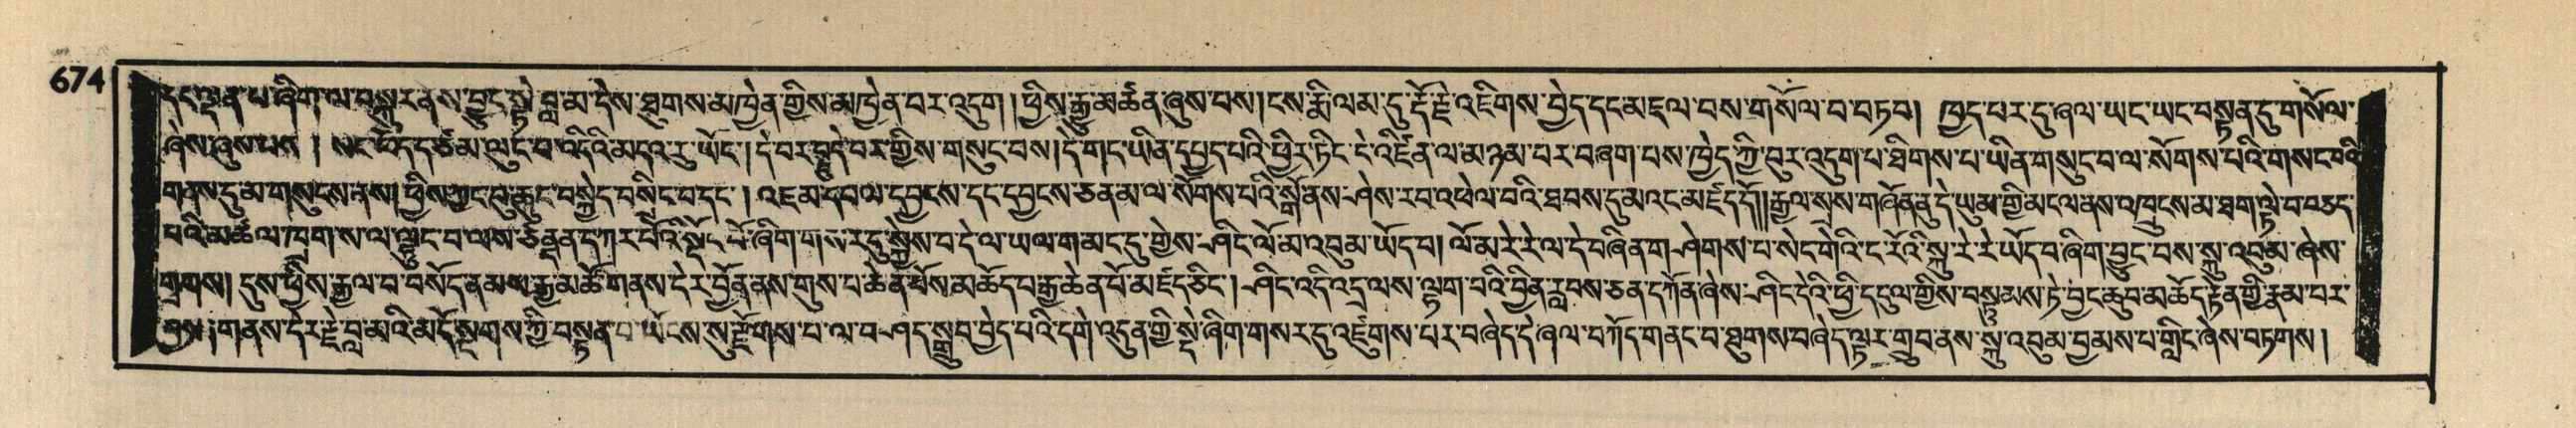དང་ལྡན་པ་ཞིག་ལ་བསྐུར་ནས་བྱུང་སྟེ་བླ་མ་དེས་ཐུགས་མཁྱེན་གྱིས་མཁྱེན་བར་འདུག །ཕྱིས་རྒྱུ་མཚན་ཞུས་པས། ངས་རྨི་ལམ་དུ་རྡོ་རྗེ་འཇིགས་བྱེད་དང་མཇལ་བས་གསོལ་བ་བཏབ། ཁྱད་པར་དུ་ཞལ་ཡང་ཡང་བསྟན་དུ་གསོལ་
ཞེས་ཞུས་པས། སང་ཕོད་ད་ཙམ་ལུང་བ་འདིའི་མདའ་རུ་ཡོང་། དེ་བར་བཱུ་དེ་བར་གྱིས་གསུང་བས། དེ་གང་ཡིན་དཔྱད་པའི་ཕྱིར་ཏིང་ངེ་འཛིན་ལ་མཉམ་པར་བཞག་པས་ཁྱེད་ཀྱི་བུར་འདུག་པ་ཐིགས་པ་ཡིན་གསུང་བ་ལ་སོགས་པའི་གསང་བའི་
གནས་དུ་མ་གསུངས་ནས། ཕྱིས་ཀྱང་བུ་ཆུང་བསྐྱེད་བསྲིང་བ་དང་། འཇམ་དཔལ་དབྱངས་དང་དབྱངས་ཅན་མ་ལ་སོགས་པའི་སྒོ་ནས་ཤེས་རབ་འཕེལ་བའི་ཐབས་དུ་མའང་མཛད་དོ། །རྒྱལ་སྲས་གཞོན་ནུ་དེ་ཡུམ་གྱི་མངལ་ནས་འཁྲུངས་མ་ཐག་ལྟེ་བ་བཅད་
པའི་མཚལ་ཁྲག་ས་ལ་ལྷུང་བ་ལས་ཙནྡན་དཀར་པོའི་སྡོང་པོ་ཞིག་གསར་དུ་སྐྱེས་བ་དེ་ལ་ཡལ་ག་མང་དུ་གྱེས་ཤིང་ལོ་མ་འབུམ་ཡོད་པ། ལོ་མ་རེ་རེ་ལ་དེ་བཞིན་གཤེགས་པ་སེང་གེའི་ང་རོའི་སྐུ་རེ་རེ་ཡོད་བ་ཞིག་བྱུང་བས་སྐུ་འབུམ་ཞེས་
གྲགས། དུས་ཕྱིས་རྒྱལ་བ་བསོད་ནམས་རྒྱ་མཚོ་གནས་དེར་བྱོན་ནས་གུས་པ་ཆེན་པོས་མཆོད་བ་རྒྱ་ཆེན་པོ་མཛད་ཅིང་། ཤིང་འདྲ་ལས་ལྷག་པའི་བྱིན་རླབས་ཅན་དཀོན་ཞེས་ཤིང་དེའི་ཕྱི་དངུལ་གྱིས་བསྟུམས་ཏེ་བྱང་ཆུབ་མཆོད་རྟེན་གྱི་རྣམ་པར་
བྱས༑ གནས་དེར་རྗེ་བླ་མའི་མདོ་སྔགས་ཀྱི་བསྟན་པ་ཡོངས་སུ་རྫོགས་པ་ལ་བཤད་སྒྲུབ་བྱེད་པའི་དགེ་འདུན་གྱི་སྡེ་ཞིག་གསར་དུ་འཛུགས་པར་བཞེད་དེ་ཞལ་བཀོད་གནང་བ་ཐུགས་བཞེད་ལྟར་གྲུབ་ནས་སྐུ་འབུམ་བྱམས་པ་གླིང་ཞེས་བཏགས།